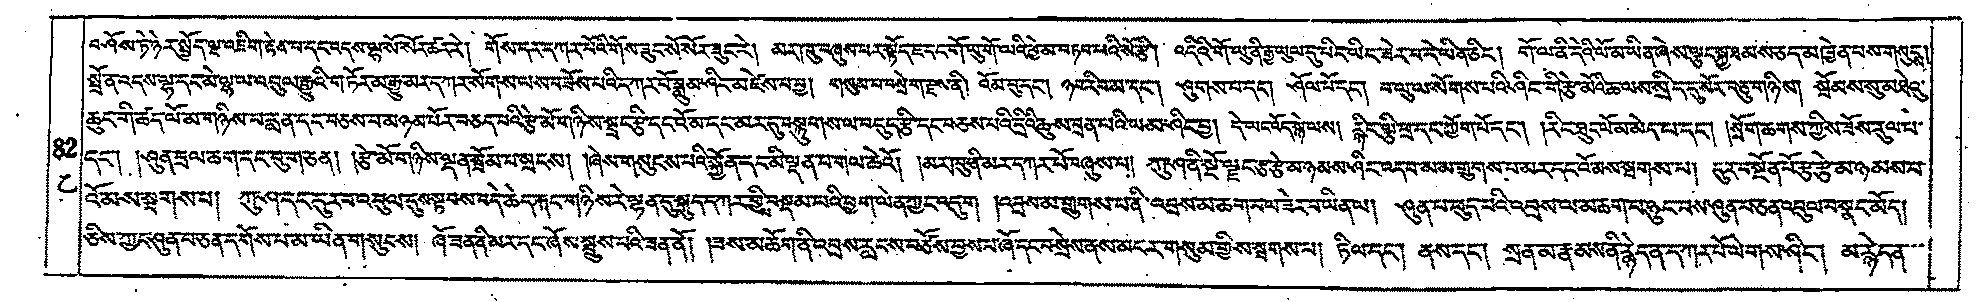བཤོས་ཏེ་ཉེར་སྤྱོད་ལྔ་འཇིག་རྟེན་པ་དང་འདས་ལྷ་སོ་སོར་ཚར་རེ། གོས་དར་དཀར་པོའི་གོས་ཟུང་སོ་སོར་ཟུང་རེ། མར་ཁུ་བཞུས་པར་སྟོད་ཇ་དང་གོ་ཡུ་གོ་ལའི་ཕྱེ་མ་བཏབ་པའི་སོ་རྩི། འདིའི་གོ་ཡུ་ནི་རྒྱ་ཡུལ་དུ་པིང་ལིང་ཟེར་བ་དེ་ཡིན་ཅིང་། གོ་ལ་ནི་དེའི་ལོ་མ་ཡིན་ཞེས་ལྕང་སྐྱ་ཐམས་ཅད་མཁྱེན་པས་གསུངས།
སྤྲོ་ན་འདས་ལྷ་དང་མེ་ལྷ་ལ་འབུལ་རྒྱུའི་གཏོར་མ་རྒྱུ་མར་དཀར་སོགས་ལས་བཟོས་པའི་དཀར་པོ་ཟླུམ་ཤིང་མཛེས་པ་བྱ། གསུམ་པ་བསྲེག་རྫས་ནི། འོམ་བུ་དང་། ཉེབ་རིབ་མ་དང་། ཤུགས་པ་དང་། ཤོལ་པོ་དང་། བ་ལུ་ལ་སོགས་པའི་ཤིང་གི་རྩེ་མོའི་ཆ་ལས་སྲིད་དུ་སོར་བཅུ་གཉིས། སྦོམས་སུ་མཐེའུ་
ཆུང་གི་ཚད་ལོ་མ་གཉིས་པ་རླན་དང་བཅས་པ་མཉམ་པོར་བཅད་པའི་རྩེ་མོ་གཉིས་སྦྲང་རྩི་དང་འོ་མ་དང་མར་དུ་བསྙུགས་ལ་བདུད་རྩི་དང་བཅས་པའི་དྲིའི་ཆུས་བྲན་པའི་ཡམ་ཤིང་བྱ། དེ་ཡང་འོད་སྙེ་ལས། རྙིང་ལྕི་ཕྲ་དང་ཀྱོག་པོ་དང་། །རིང་ཐུང་ལོ་མ་མེད་པ་དང་། །སྲོག་ཆགས་ཀྱིས་ཟོས་རུལ་པ་
དང་། །ཤུན་བྲལ་ཆག་དང་བུ་ག་ཅན། །རྩེ་མོ་གཉིས་ལྡན་སྦོམ་པ་སྤངས། །ཞེས་གསུངས་པའི་སྐྱོན་དང་མི་ལྡན་པ་གལ་ཆེའོ། །མར་ཁུ་ནི་མར་དཀར་པོ་བཞུས་པ། ཀུ་ཤ་ནི་སྔོ་ལྗང་རྩ་རྩེ་མ་ཉམས་ཤིང་འདབ་མ་མ་གྲུགས་པ་མར་དང་འོ་མས་སྤགས་པ། དུར་བ་སྔོན་པོ་རྩ་རྩེ་མ་ཉམས་པ་
འོ་མས་སྦགས་པ། ཀུ་ཤ་དང་དུར་བ་འབུལ་དུས་སྟབས་བདེ་ཆེད་རྐང་གཉིས་རེ་ལྷན་དུ་སྐུད་དཀར་གྱིས་བསྡམ་པའི་ཕྱག་ལེན་ཀྱང་འདུག །འབྲས་མ་གྲུགས་པ་ནི་འབྲས་མ་ཆག་པ་ལ་ཟེར་བ་ཡིན་ལ། ཤུན་པ་ཕུད་པའི་འབྲས་ལ་མ་ཆག་པ་ཉུང་བས་ཤུན་པ་ཅན་འབུལ་བ་སྣང་མོད།
ཅིས་ཀྱང་ཤུན་པ་ཅན་དགོས་པ་མ་ཡིན་གསུངས། ཞོ་ཟན་ནི་མར་དང་ཞོས་སྦྲུས་པའི་ཟན་ནོ། །ཟས་མཆོག་ནི་འབྲས་རླངས་བཙོས་བྱས་པ་ཞོ་དང་བསྲེས་ནས་མངར་གསུམ་གྱིས་སྦགས་པ། ཏིལ་དང་ནས་དང་སྲན་མ་རྣམས་ནི་རྙེད་ན་དཀར་པོ་ལེགས་ཤིང་། མ་རྙེད་ན་་་